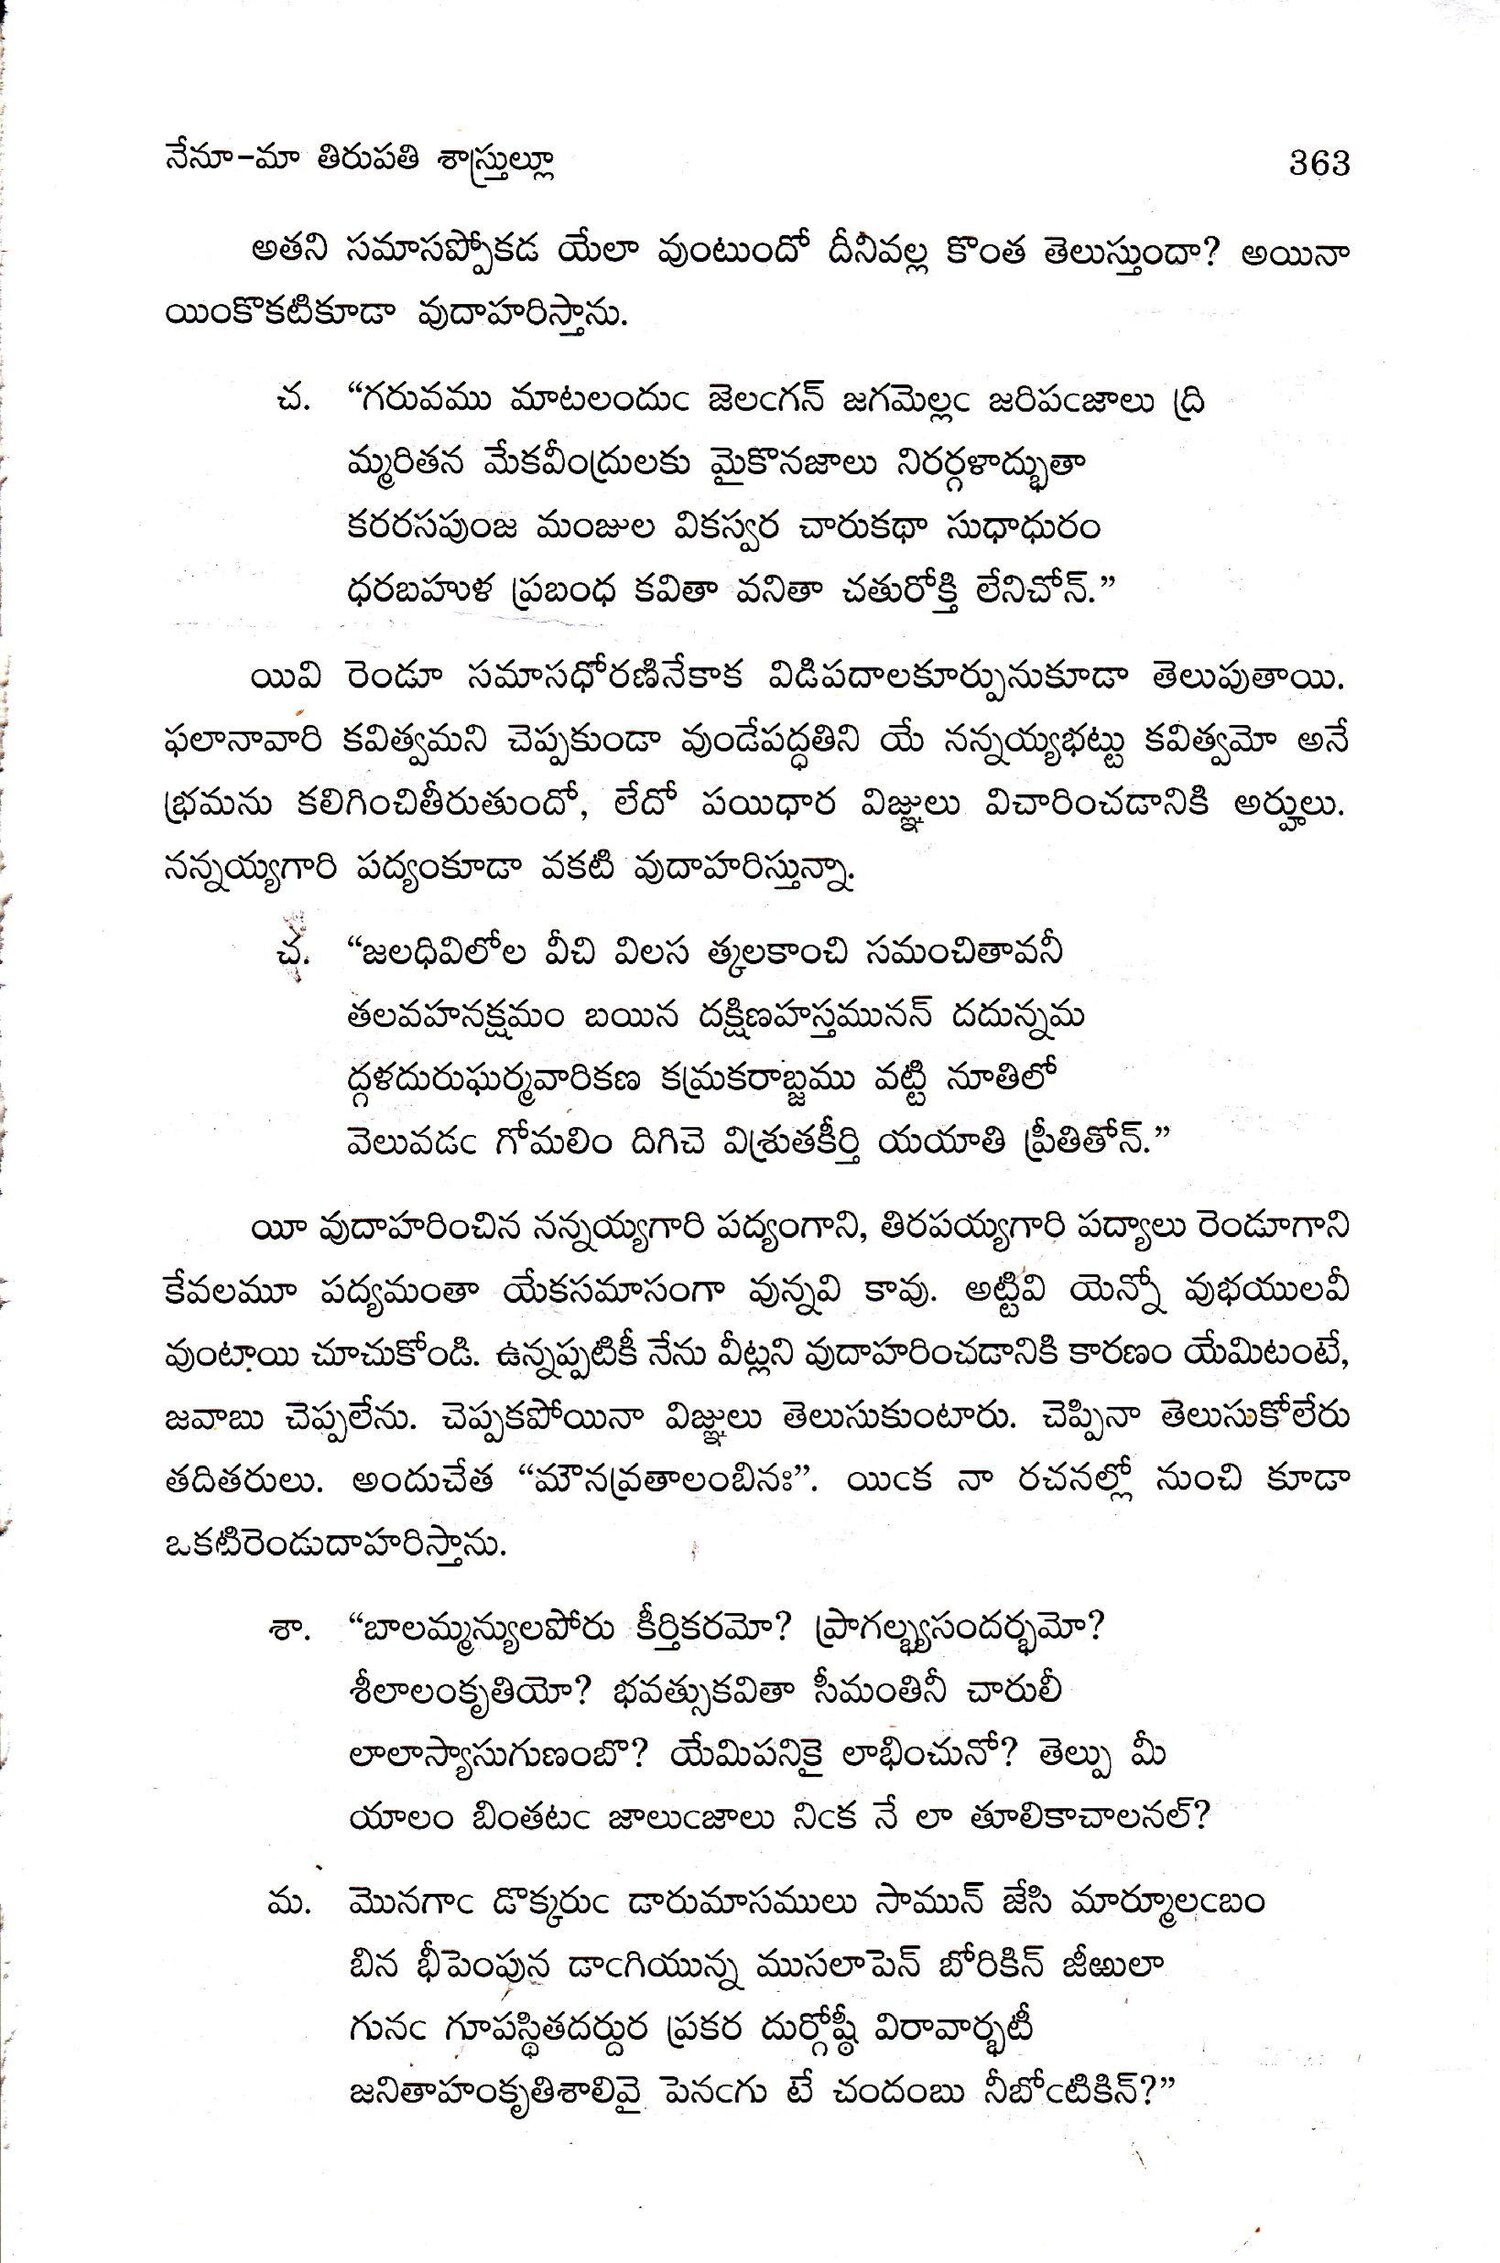అతని సమాసప్పోకడ యేలా వుంటుందో దీనివల్ల కొంత తెలుస్తుందా? అయినా యింకొకటికూడా వుదాహరిస్తాను.

చ. “గరువము మాటలందుఁ జెలఁగన్ జగమెల్లఁ జరిపఁజాలు ద్రి
 మ్మరితన మేకవీంద్రులకు మైకొనజాలు నిరర్గళాద్భుతా 
 కరరసపుంజ మంజుల వికస్వర చారుకథా సుధాధురం 
 ధరబహుళ ప్రబంధ కవితా వనితా చతురోక్తి లేనిచోన్"
యివి రెండూ సమాసధోరణినేకాక విడిపదాలకూర్పునుకూడా తెలుపుతాయి. ఫలానావారి కవిత్వమని చెప్పకుండా వుండేపద్ధతిని యే నన్నయ్యభట్టు కవిత్వమో అనే భ్రమను కలిగించితీరుతుందో, లేదో పయిధార విజ్ఞులు విచారించడానికి అర్హులు. నన్నయ్యగారి పద్యంకూడా వకటి వుదాహరిస్తున్నా

చ. “జలధివిలోల వీచి విలస త్కలకాంచి సమంచితావనీ
 తలవహనక్షమం బయిన దక్షిణహస్తమునన్ దదున్నమ
 ద్దళదురుఘర్మవారికణ కమ్రకరాబ్జము వట్టి నూతిలో
 వెలువడఁ గోమలిం దిగిచె విశ్రుతకీర్తి యయాతి ప్రీతితోన్."
యీ వుదాహరించిన నన్నయ్యగారి పద్యంగాని, తిరపయ్యగారి పద్యాలు రెండూగాని కేవలమూ పద్యమంతా యేకసమాసంగా వున్నవి కావు. అట్టివి యెన్నో వుభయులవీ వుంటాయి చూచుకోండి. ఉన్నప్పటికీ నేను వీట్లని వుదాహరించడానికి కారణం యేమిటంటే, జవాబు చెప్పలేను. చెప్పకపోయినా విజ్ఞులు తెలుసుకుంటారు. చెప్పినా తెలుసుకోలేరు తదితరులు. అందుచేత “మౌనవ్రతాలంబినః”. యిఁక నా రచనల్లో నుంచి కూడా ఒకటిరెండుదాహరిస్తాను. - -

శా. "బాలమ్మన్యులపోరు కీర్తికరమో? ప్రాగల్భ్యసందర్భమో?
 శీలాలంకృతియో? భవత్సుకవితా సీమంతినీ చారులీ 
 లాలాస్యాసుగుణంబొ? యేమిపనికై లాభించునో? తెల్పు మీ 
 యాలం బింతటఁ జాలుcజాలు నింక నే లా తూలికాచాలనల్?

మ. మొనగాఁ డొక్కరుఁ డారుమాసములు సామున్ జేసి మార్మూలఁబం 
 బిన భీపెంపున డాఁగియున్న ముసలాపెన్ బోరికిన్ జీఱులా 
 గునఁ గూపస్థితదర్దుర ప్రకర దుర్గోష్ఠీ విరావార్భటీ
 జనితాహంకృతిశాలివై పెనఁగు టే చందంబు నీబోఁటికిన్?"